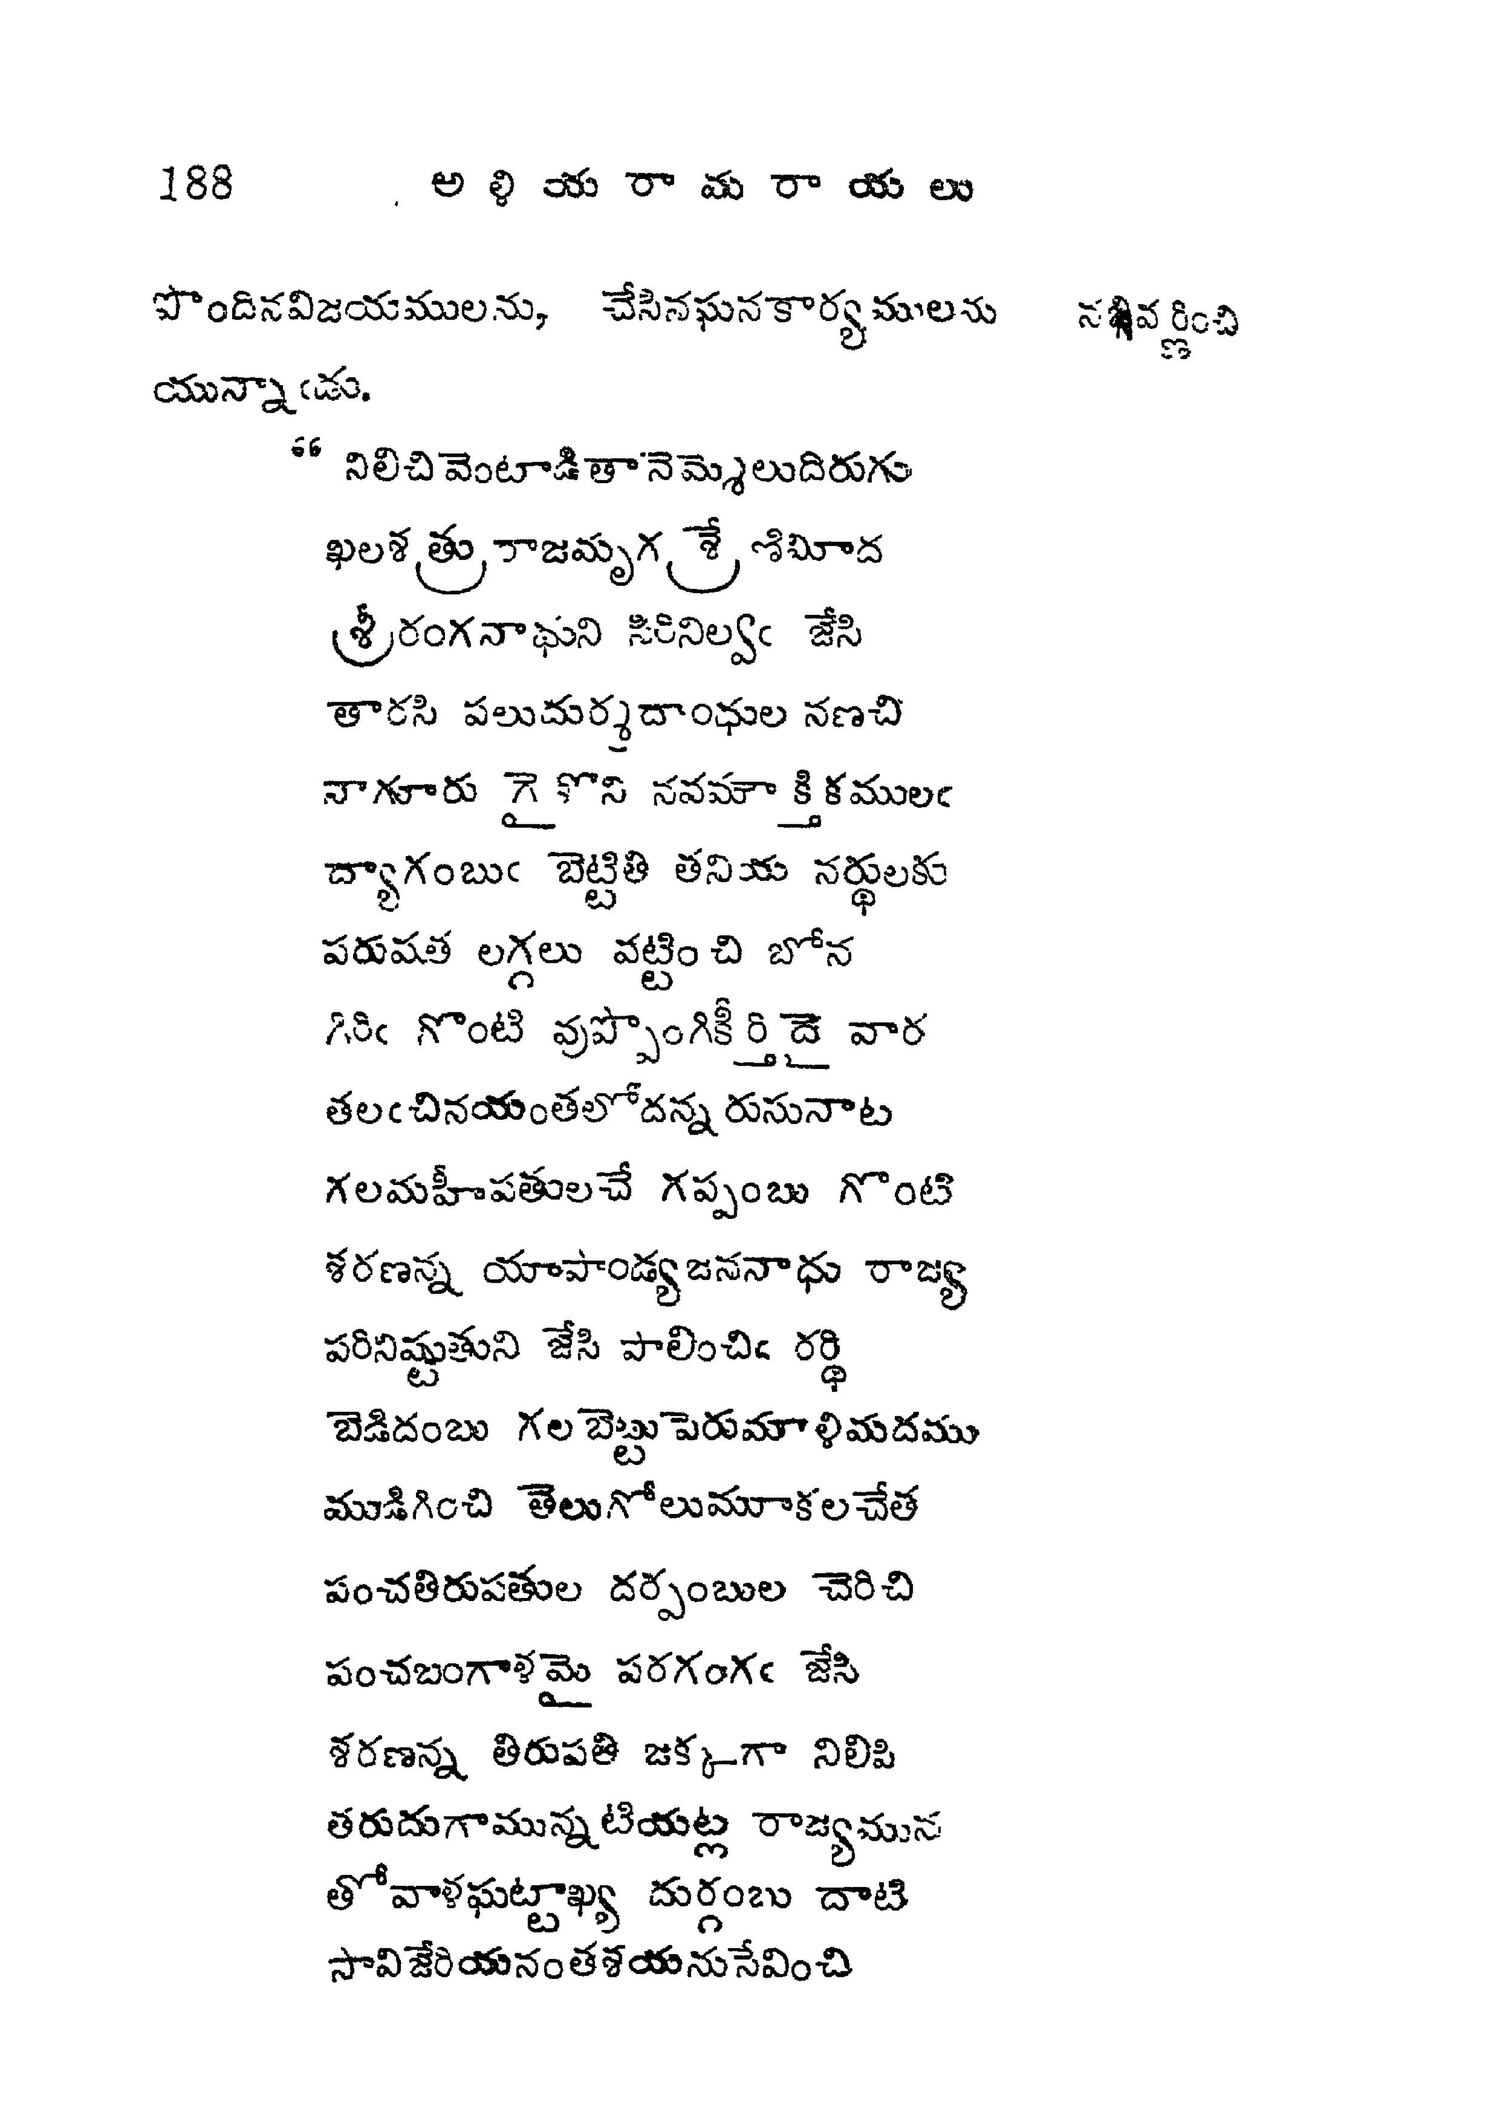పొందినవిజయములను, చేసినఘనకార్యములను నబివర్ణించి యున్నాడు.

 "నిలిచివెంటాడితానెమ్మెలుదిరుగు
 ఖలశత్రురాజమృగశ్రేణిమీద
 శ్రీరంగనాథుని సిరినిల్వ జేసి 
 తారసి పలుదుర్మదాంధుల నణచి
 నాగూరు గైకొని నవమౌక్తికముల
 ద్యాగంబు బెట్టితి తనియ నర్థులకు
 పరుషత లగ్గలు వట్టించి బోన
 గిరి గొంటి వుప్పొంగికీర్తిదై వార
 తలచినయంతలోదన్న రుసునాట
 గలమహీపతులచే గప్పంబు గొంటి
 శరణన్న యాపాండ్యజననాధు రాజ్య
 పరినిష్టుతుని జేసి పాలించి రర్థి
 బెడిదంబు గలబెట్టుపెరుమాళిమదము
 ముడిగించి తెలుగోలుమూకలచేత
 పంచతిరుపతుల దర్పంబుల చెరిచి
 పంచబంగాళమై పరగంగ జేసి
 శరణన్న తిరుపతి జక్కగా నిలిపి 
 తరుదుగామున్నటియట్ల రాజ్యమున
 తోవాళఘట్టాఖ్య దుర్గంబు దాటి
 సావిజేరి యనంతశయను సేవించి